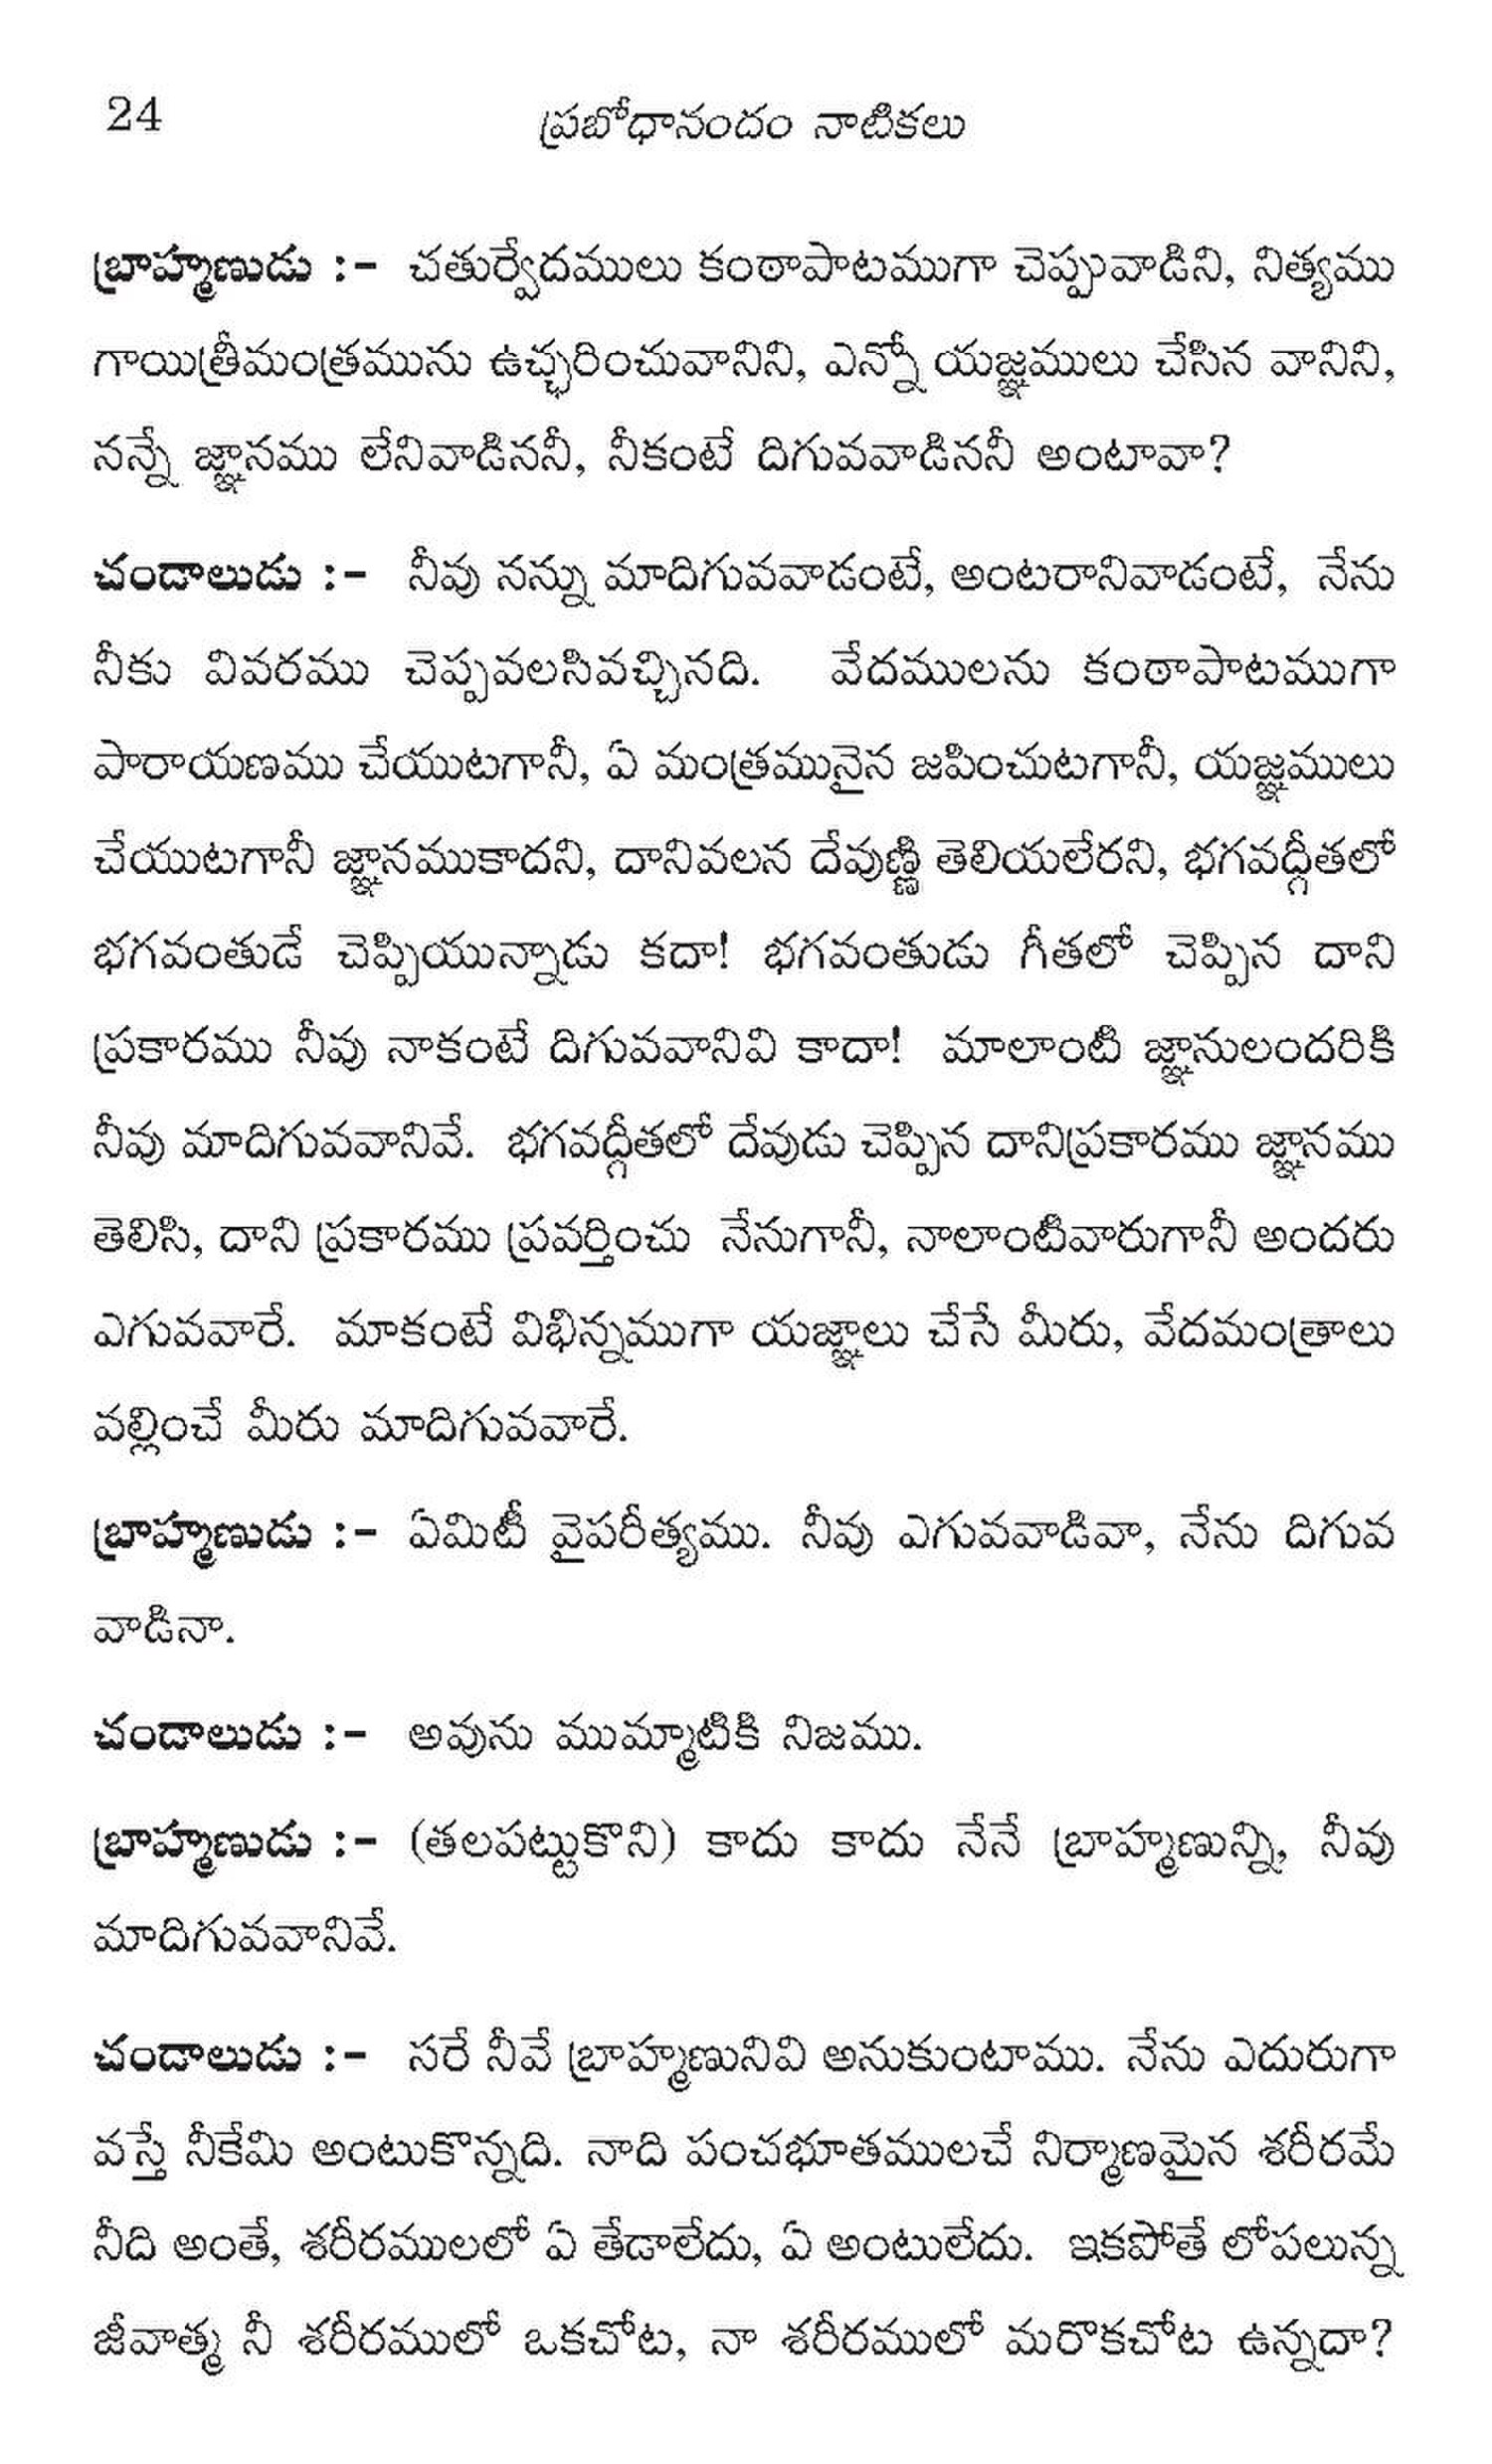బ్రాహ్మణుడు :- చతుర్వేదములు కంఠాపాటముగా చెప్పువాడిని, నిత్యము గాయిత్రీమంత్రమును ఉచ్ఛరించువానిని, ఎన్నో యజ్ఞములు చేసిన వానిని, నన్నే జ్ఞానము లేనివాడిననీ, నీకంటే దిగువవాడిననీ అంటావా?

చండాలుడు :-	నీవు నన్ను మాదిగువవాడంటే, అంటరానివాడంటే, నేను నీకు వివరము చెప్పవలసివచ్చినది. వేదములను కంఠాపాటముగా పారాయణము చేయుటగానీ, ఏ మంత్రమునైన జపించుటగానీ, యజ్ఞములు చేయుటగానీ జ్ఞానముకాదని, దానివలన దేవుణ్ణి తెలియలేరని, భగవద్గీతలో భగవంతుడే చెప్పియున్నాడు కదా! భగవంతుడు గీతలో చెప్పిన దాని ప్రకారము నీవు నాకంటే దిగువవానివి కాదా! మాలాంటి జ్ఞానులందరికి నీవు మాదిగువవానివే. భగవద్గీతలో దేవుడు చెప్పిన దానిప్రకారము జ్ఞానము తెలిసి, దాని ప్రకారము ప్రవర్తించు నేనుగానీ, నాలాంటివారుగానీ అందరు ఎగువవారే. మాకంటే విభిన్నముగా యజ్ఞాలు చేసే మీరు, వేదమంత్రాలు వల్లించే మీరు మాదిగువవారే.

బ్రాహ్మణుడు :- ఏమిటీ వైపరీత్యము. నీవు ఎగువవాడివా, నేను దిగువ వాడినా.

చండాలుడు :-	అవును ముమ్మాటికి నిజము.

బ్రాహ్మణుడు :- (తలపట్టుకొని) కాదు కాదు నేనే బ్రాహ్మణున్ని, నీవు మాదిగువవానివే.

చండాలుడు :- సరే నీవే బ్రాహ్మణునివి అనుకుంటాము. నేను ఎదురుగా వస్తే నీకేమి అంటుకొన్నది. నాది పంచభూతములచే నిర్మాణమైన శరీరమే నీది అంతే, శరీరములలో ఏ తేడాలేదు, ఏ అంటులేదు. ఇకపోతే లోపలున్న జీవాత్మ నీ శరీరములో ఒకచోట, నా శరీరములో మరొకచోట ఉన్నదా?